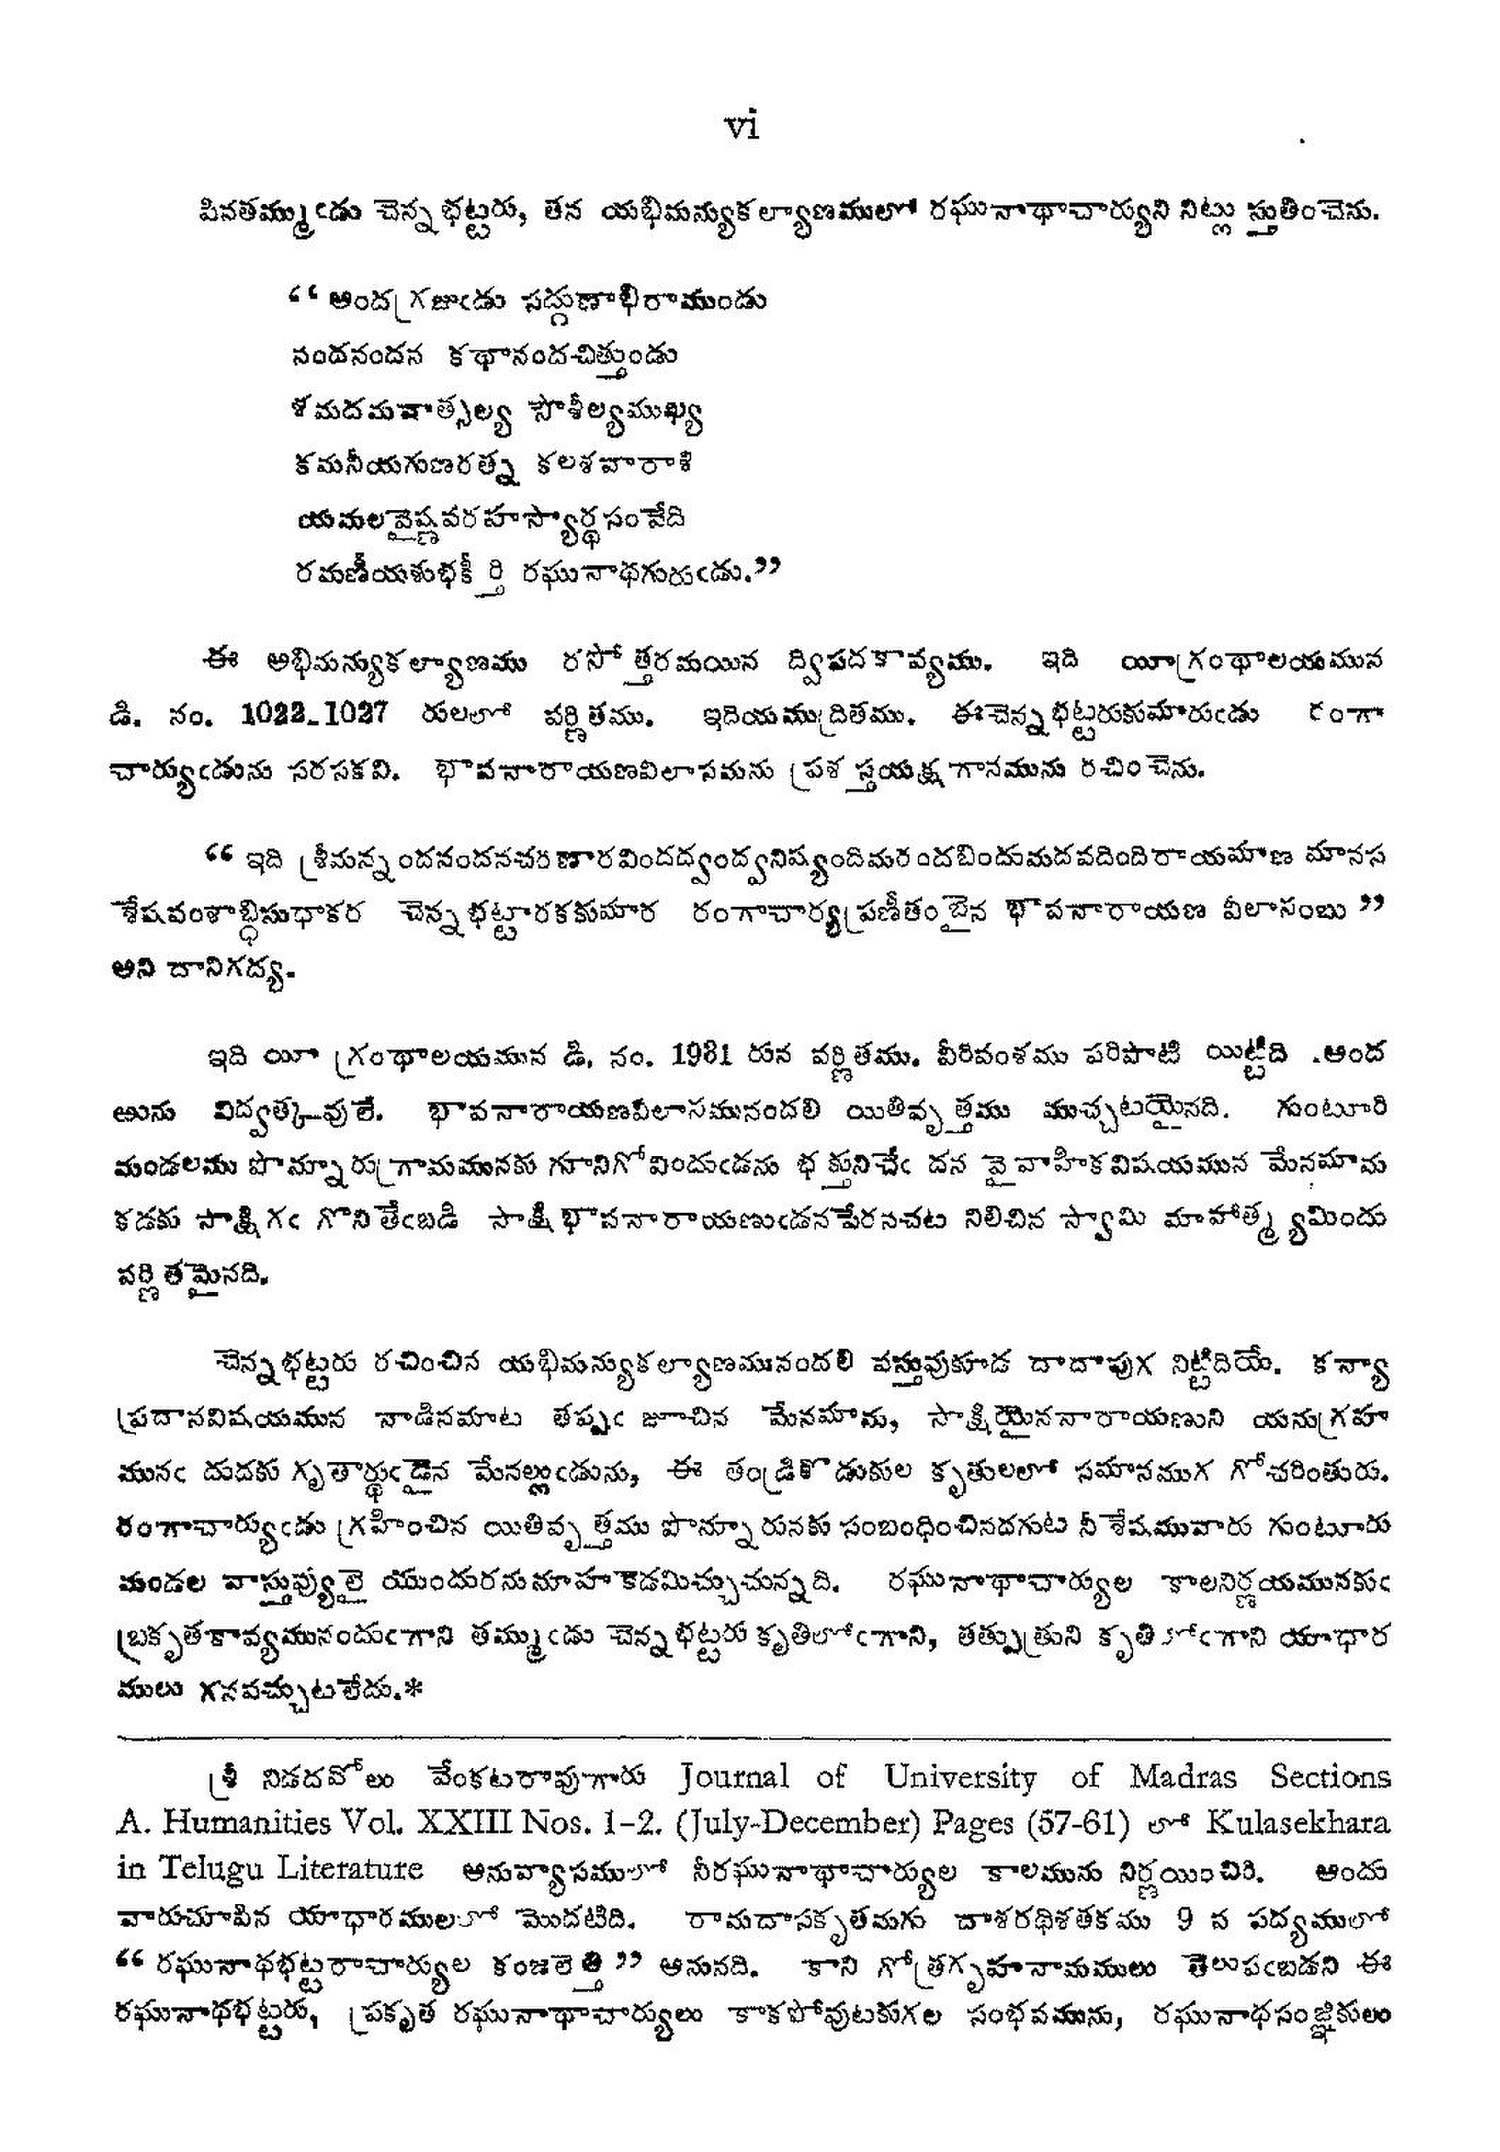పినతమ్ముఁడు చెన్నభట్టరు, తన యభిమన్యుకల్యాణములో రఘునాథాచార్యుని నిట్లు స్తుతించెను.

"అందగ్రజుఁడు సద్గుణాభిరాముండు
నందనందనకథానందచిత్తుండు
శమదమవాత్సల్య సౌశీల్యముఖ్య
కమనీయగుణరత్న కలశవారాశి
యమలవైష్ణవరహస్యార్థసంవేది
రమణీయశుభకీర్తి రఘునాథగురుఁడు.” 

ఈ అభిమన్యుకల్యాణము రసోత్తరమయిన ద్విపదకావ్యము. ఇది యీగ్రంథాలయమున డి. నం. 1022-1027 రులలో వర్ణితము. ఇది యముద్రితము. ఈచెన్నభట్టరుకుమారుఁడు రంగాచార్యుఁడును సరసకవి. భావనారాయణవిలాసమను ప్రశస్తయక్షగానమును రచించెను.

"ఇది శ్రీమన్నందనందనచరణారవిందద్వంద్వనిష్యందిమరందబిందుమదవదిందిరాయమాణ మానసశేషవంశాబ్ధిసుధాకర చెన్నభట్టారకకుమార రంగాచార్యప్రణీతంబైన భావనారాయణవిలాసంబు" అని దానిగద్య.

ఇది యీ గ్రంథాలయమున డి. నం. 1981 రున వర్ణితము. వీరివంశము పరిపాటి యిట్టిది. అందఱును విద్వత్కవులే. భావనారాయణవిలాసమునందలి యితివృత్తము ముచ్చటయైనది. గుంటూరిమండలము పొన్నూరు గ్రామమునకు గూనిగోవిందుఁడను భక్తునిచేఁ దనవైవాహికవిషయమున మేనమామకడకు సాక్షిగఁ గొనితేఁబడి సాక్షి భావనారాయణుఁ డనపేర నచట నిలిచిన స్వామి మాహాత్మ్య మిందు వర్ణితమైనది.

చెన్నభట్టరు రచించిన యభిమన్యుకల్యాణమునందలి వస్తువుకూడ దాదాపుగ నిట్టిదియే. కన్యాప్రదానవిషయమున నాడినమాట తప్పఁ జూచిన మేనమాను, సాక్షియైన నారాయణుని యనుగ్రహమునఁ దుదకు గృతార్థుఁడైన మేనల్లుఁడును, ఈ తండ్రికొడుకుల కృతులలో సమానముగ గోచరింతురు. రంగాచార్యుఁడు గ్రహించిన యితివృత్తము పొన్నూరునకు సంబంధించినదగుట నీశేషమువారు గుంటూరుమండలవాస్తువ్యులై యుందురనునూహ కెడమిచ్చుచున్నది. రఘునాథాచార్యుల కాలనిర్ణయమునకుఁ బ్రకృతకావ్యమునందుఁ
గాని తమ్ముఁడు చెన్నభట్టరు కృతిలోఁ గాని, తత్పుత్రుని కృతిలోఁ గాని యాధారములు గనవచ్చుట లేదు.